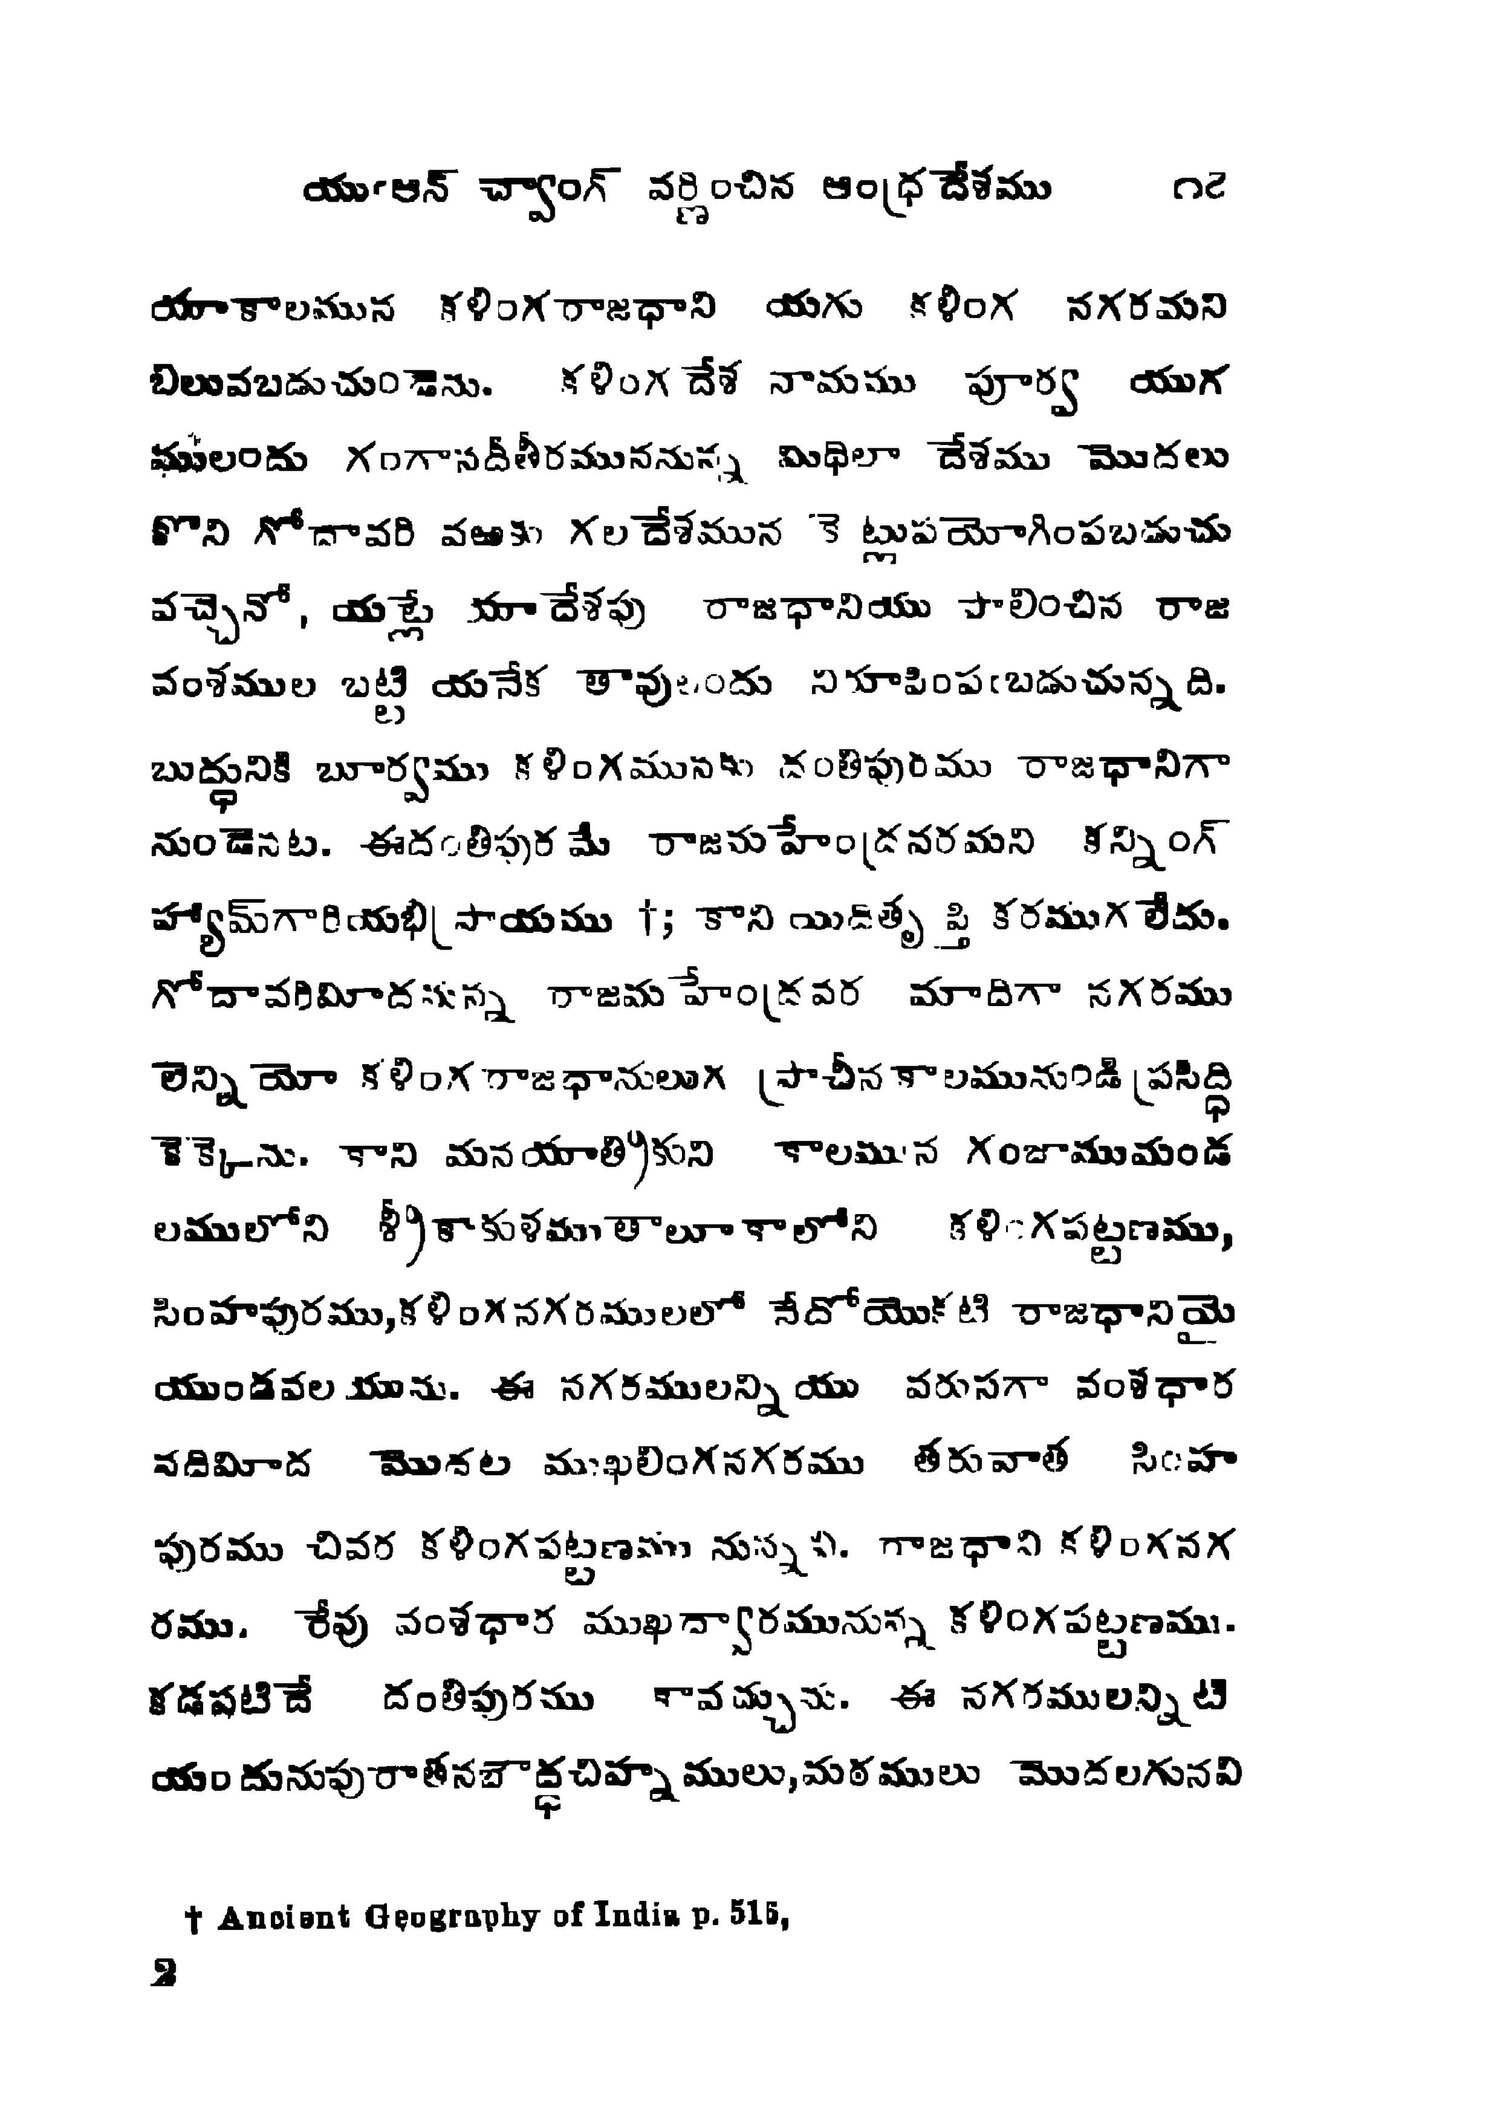యాకాలమున కళింగరాజధాని యగు కళింగ నగరమని బిలువబడుచుండెను. కళింగదేశ నామము పూర్వ యుగములందు గంగానదీతీరముననున్న మిథిలా దేశము మొదలుకొని గోదావరి వఱకుగల దేశమున కెట్లుపయోగింప బడుచు వచ్చెనో, యట్లే యాదేశపు రాజధానియు పాలించిన రాజవంశముల బట్టి యనేక తావులందు నిరూపింప బడుచున్నది. బుద్ధునికి బూర్వము దంతిపురము రాజధానిగా నుండెనట. ఈదంతిపురమే రాజమహేంద్రవరమని కన్నింగ్‌హ్యామ్‌గారి యభిప్రాయము; కాని యిది తృప్తికరముగ లేదు. గోదావరిమిాదనున్న రాజమహేంద్రవర మాదిగా నగరములెన్నియో కళింగ రాజధానులుగ ప్రాచీన కాలమునుండి ప్రసిద్ధి కెక్కెను. కాని మనయాత్రికుని కాలమున గంజాము మండలములోని శ్రీకాకుళము తాలూకాలోని కళింగ పట్టణము, సింహపురము, కళింగనగరములలో నేదోయొకటి రాజధానియై యుండ వలయును. ఈ నగరములన్నియు వరుసగా వంశధారనది మిాద మొదట ముఖలింగనగరము తరువాత సింహపురము చివర కళింగపట్టణము నున్నవి. రాజధాని కళింగనగరము. రేవు వంశధార ముఖద్వారమునున్న కళింగపట్టణము. కడపటిదే దంతిపురము కావచ్చును. ఈ నగరములన్నిటి యందును పురాతన బౌద్ధచిహ్నములు, మఠములు మొదలగునవి